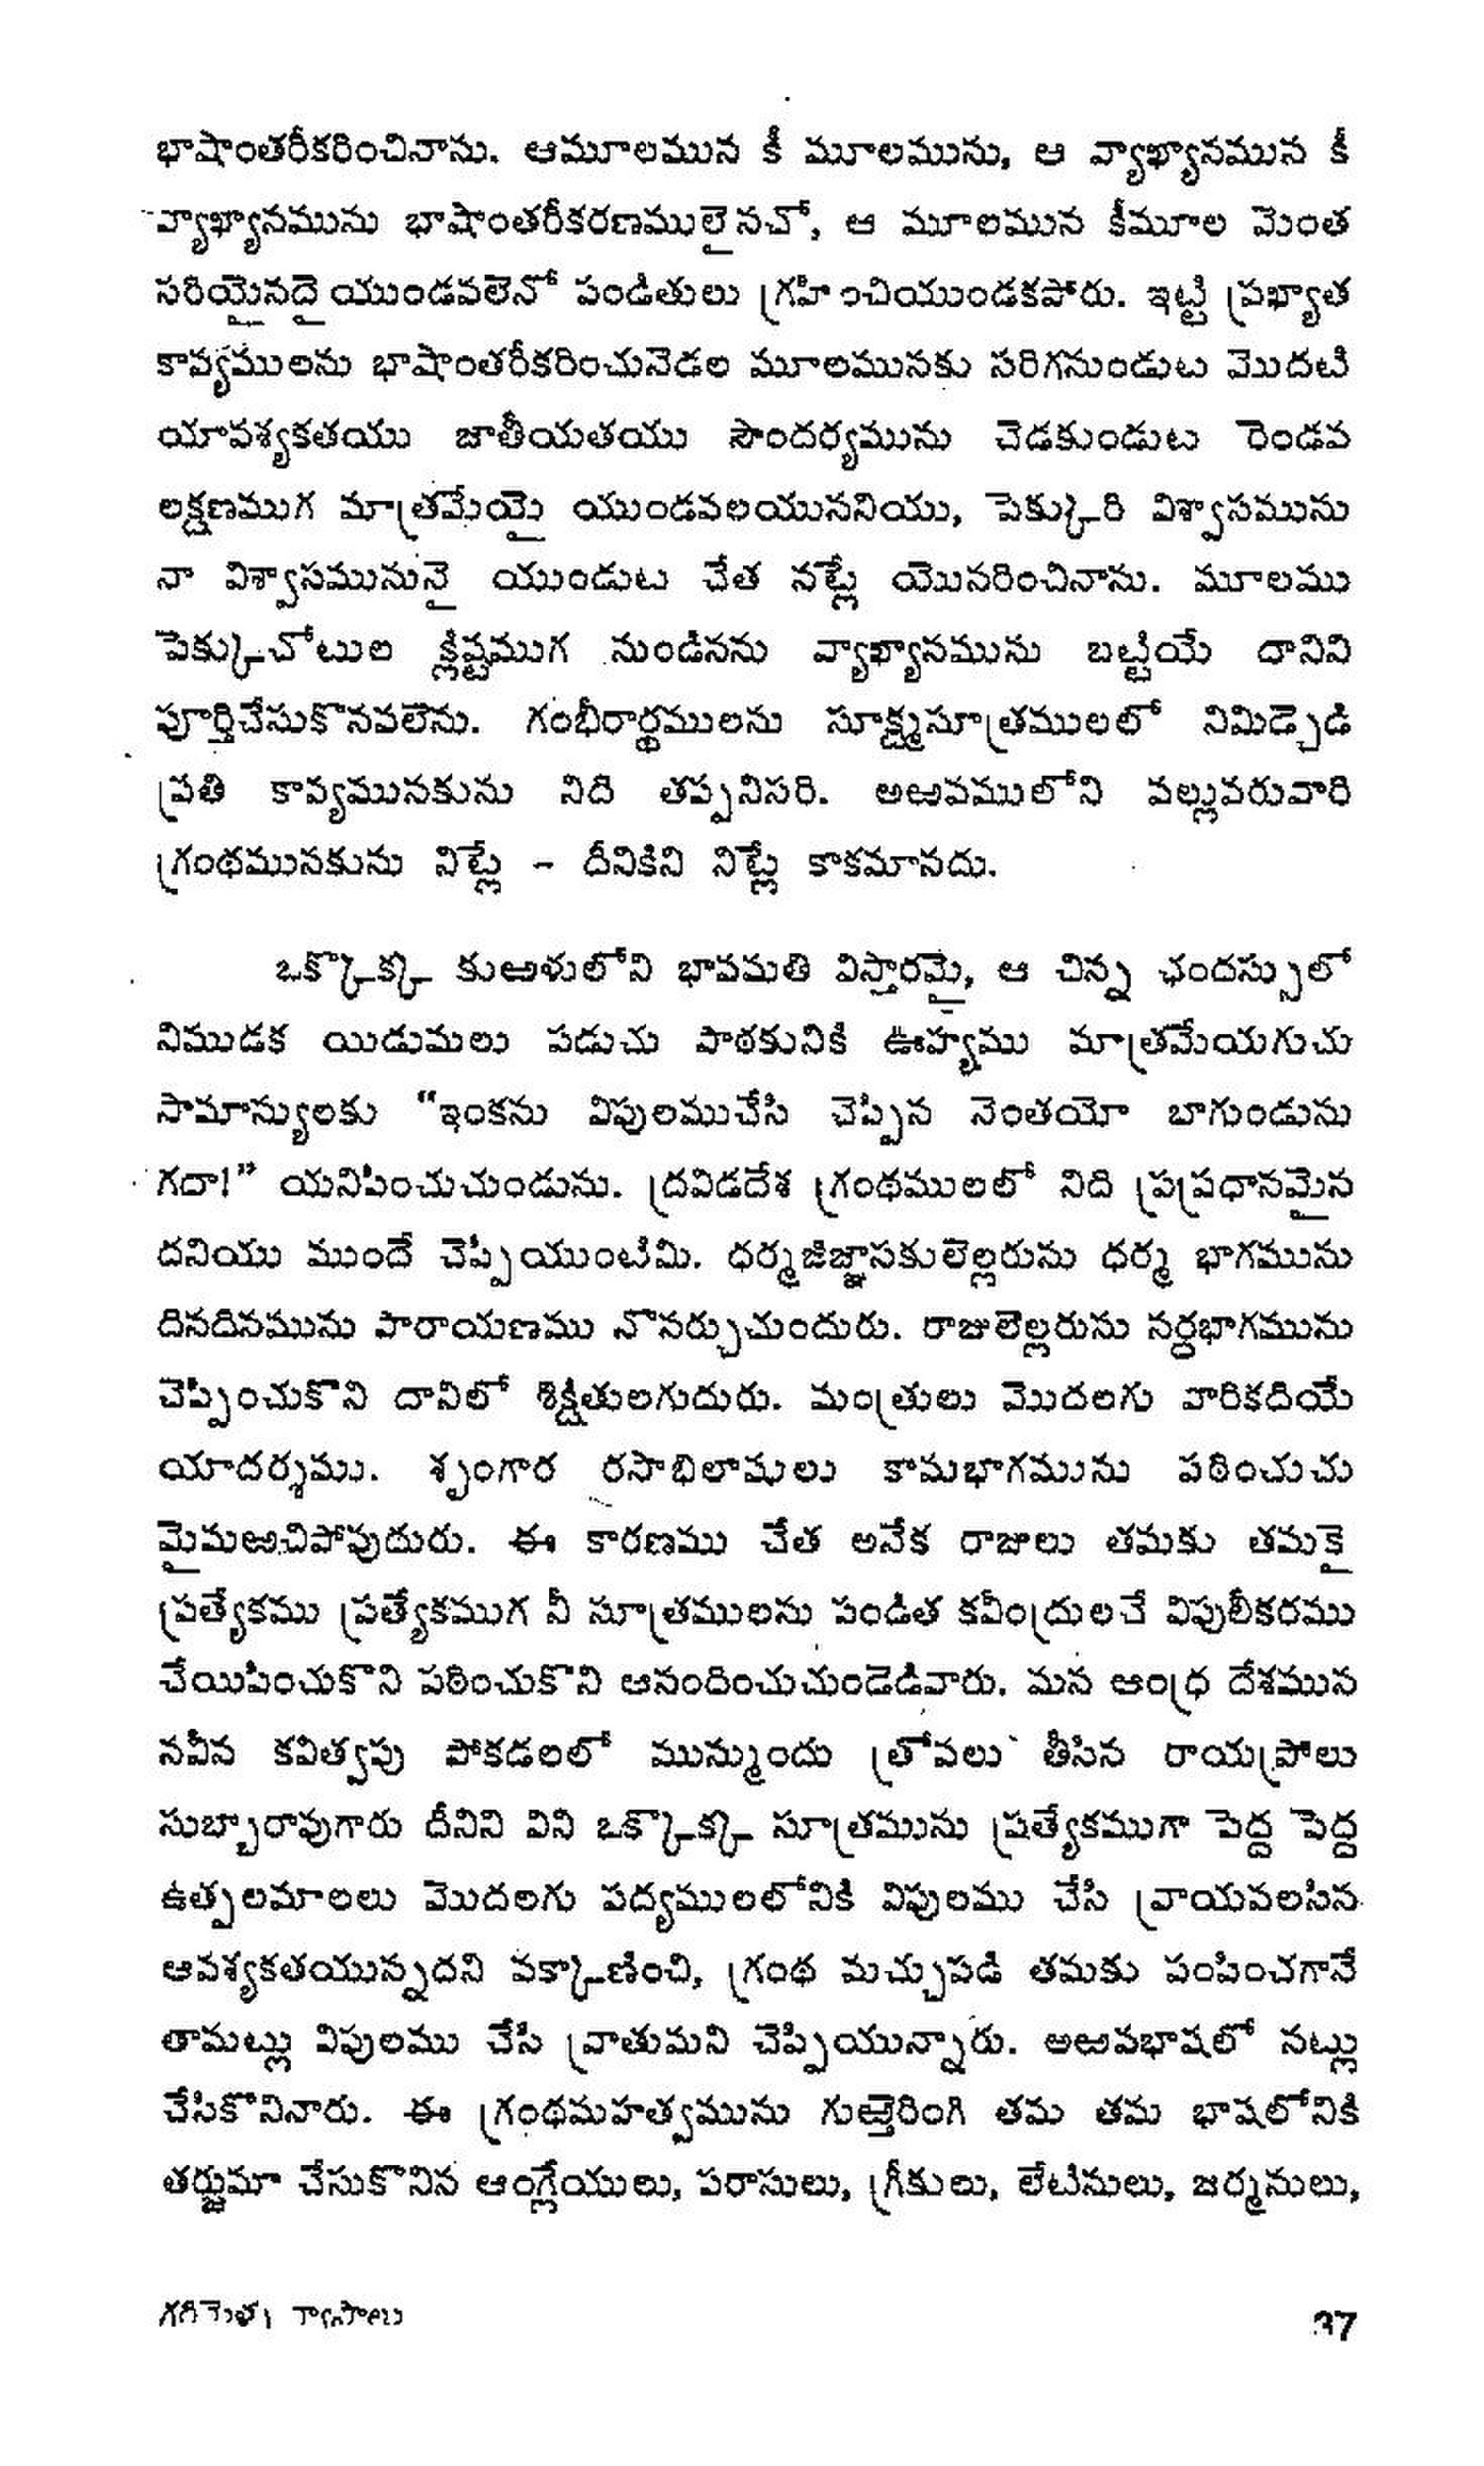భాషాంతరీకరించినాను. ఆమూలమున కీ మూలమును, ఆ వ్యాఖ్యానమున కీ వ్యాఖ్యానమును భాషాంతరీకరణమలైనచో, ఆ మూలమున కీమూల మెంత సరియైనదై యుండవలెనో పండితులు గ్రహించియుండకపోరు. ఇట్టి ప్రఖ్యాత కావ్యములను భాషాంతరీకరించునెడల మూలమునకు సరిగనుండుట మొదటి యావశ్యకతయు జాతీయతయు సౌందర్యమును చెడకుండుట రెండవ లక్షణముగ మాత్రమేయై యుండవలయుననియు, పెక్కురి విశ్వాసమును నా విశ్వాసమునునై యుండుట చేత నట్లే యొనరించినాను. మూలము పెక్కుచోటుల క్లిష్టముగ నుండినను వ్యాఖ్యానమును బట్టియే దానిని పూర్తిచేసుకొనవలెను. గంభీరార్థములను సూక్ష్మసూత్రములలో నిమిడ్చెడి ప్రతి కావ్యమునకును నిది తప్పనిసరి. అఱవములోని వల్లువరువారి గ్రంథమునకుని నిట్లే - దీనికిని నిట్లే కాకమానదు.

ఒక్కొక్క కుఱళులోని భావమతి విస్తారమై, ఆ చిన్న ఛందస్సులో నిముడక యిడుమలు పడుచు పాఠకునికి ఊహ్యము మాత్రమేయగుచు సామాన్యులకు "ఇంకను విపులముచేసి చెప్పిన నెంతయో బాగుండును గదా!" యనిపించుచుండును. ద్రవిడదేశ గ్రంథములలో నిది ప్రప్రధానమైన దనియు ముందే చెప్పియుంటిమి. ధర్మజిజ్ఞాసకులెల్లరును ధర్మ భాగమును దినదినమును పారాయణము నొనర్చుచుందురు. రాజులెల్లరును నర్ధభాగమును చెప్పించుకొని దానిలో శిక్షితులగుదురు. మంత్రులు మొదలగు వారికదియే యాదర్శము. శృంగార రసాభిలాషులు కామభాగమును పఠించుచు మైమఱచిపోవుదురు. ఈ కారణము చేత అనేక రాజులు తమకు తమకై ప్రత్యేకము ప్రత్యేకముగ నీ సూత్రములను పండిత కవీంద్రులచే విపులీకరము చేయిపించుకొని పఠించుకొని ఆనందించుచుండెడివారు. మన ఆంధ్ర దేశమున నవీన కవిత్వపు పోకడలలో మున్ముందు త్రోవలు తీసిన రాయప్రోలు సుబ్బారావుగరు దీనిని విని ఒక్కొక్క సూత్రమును ప్రత్యేకముగా పెద్ద పెద్ద ఉత్పలమాలలు మొదలగు పద్యములలోనికి విపులము చేసి వ్రాయవలసిన అవశ్యకతయున్నదని వక్కాణించి, గ్రంథ మచ్చుపడి తమకు పంపించగానే తామట్లు విపులము చేసి వ్రాతుమని చెప్పియున్నారు. అఱభాషలో నట్లు చేసికొనినారు. ఈ గ్రంథమహత్వమును గుఱ్తెరింగి తమ తమ భాషలోనికి తర్జుమా చేసుకొనిన ఆంగ్లెయులు, గ్రీకులు. లేటినులు, జర్మనులు,